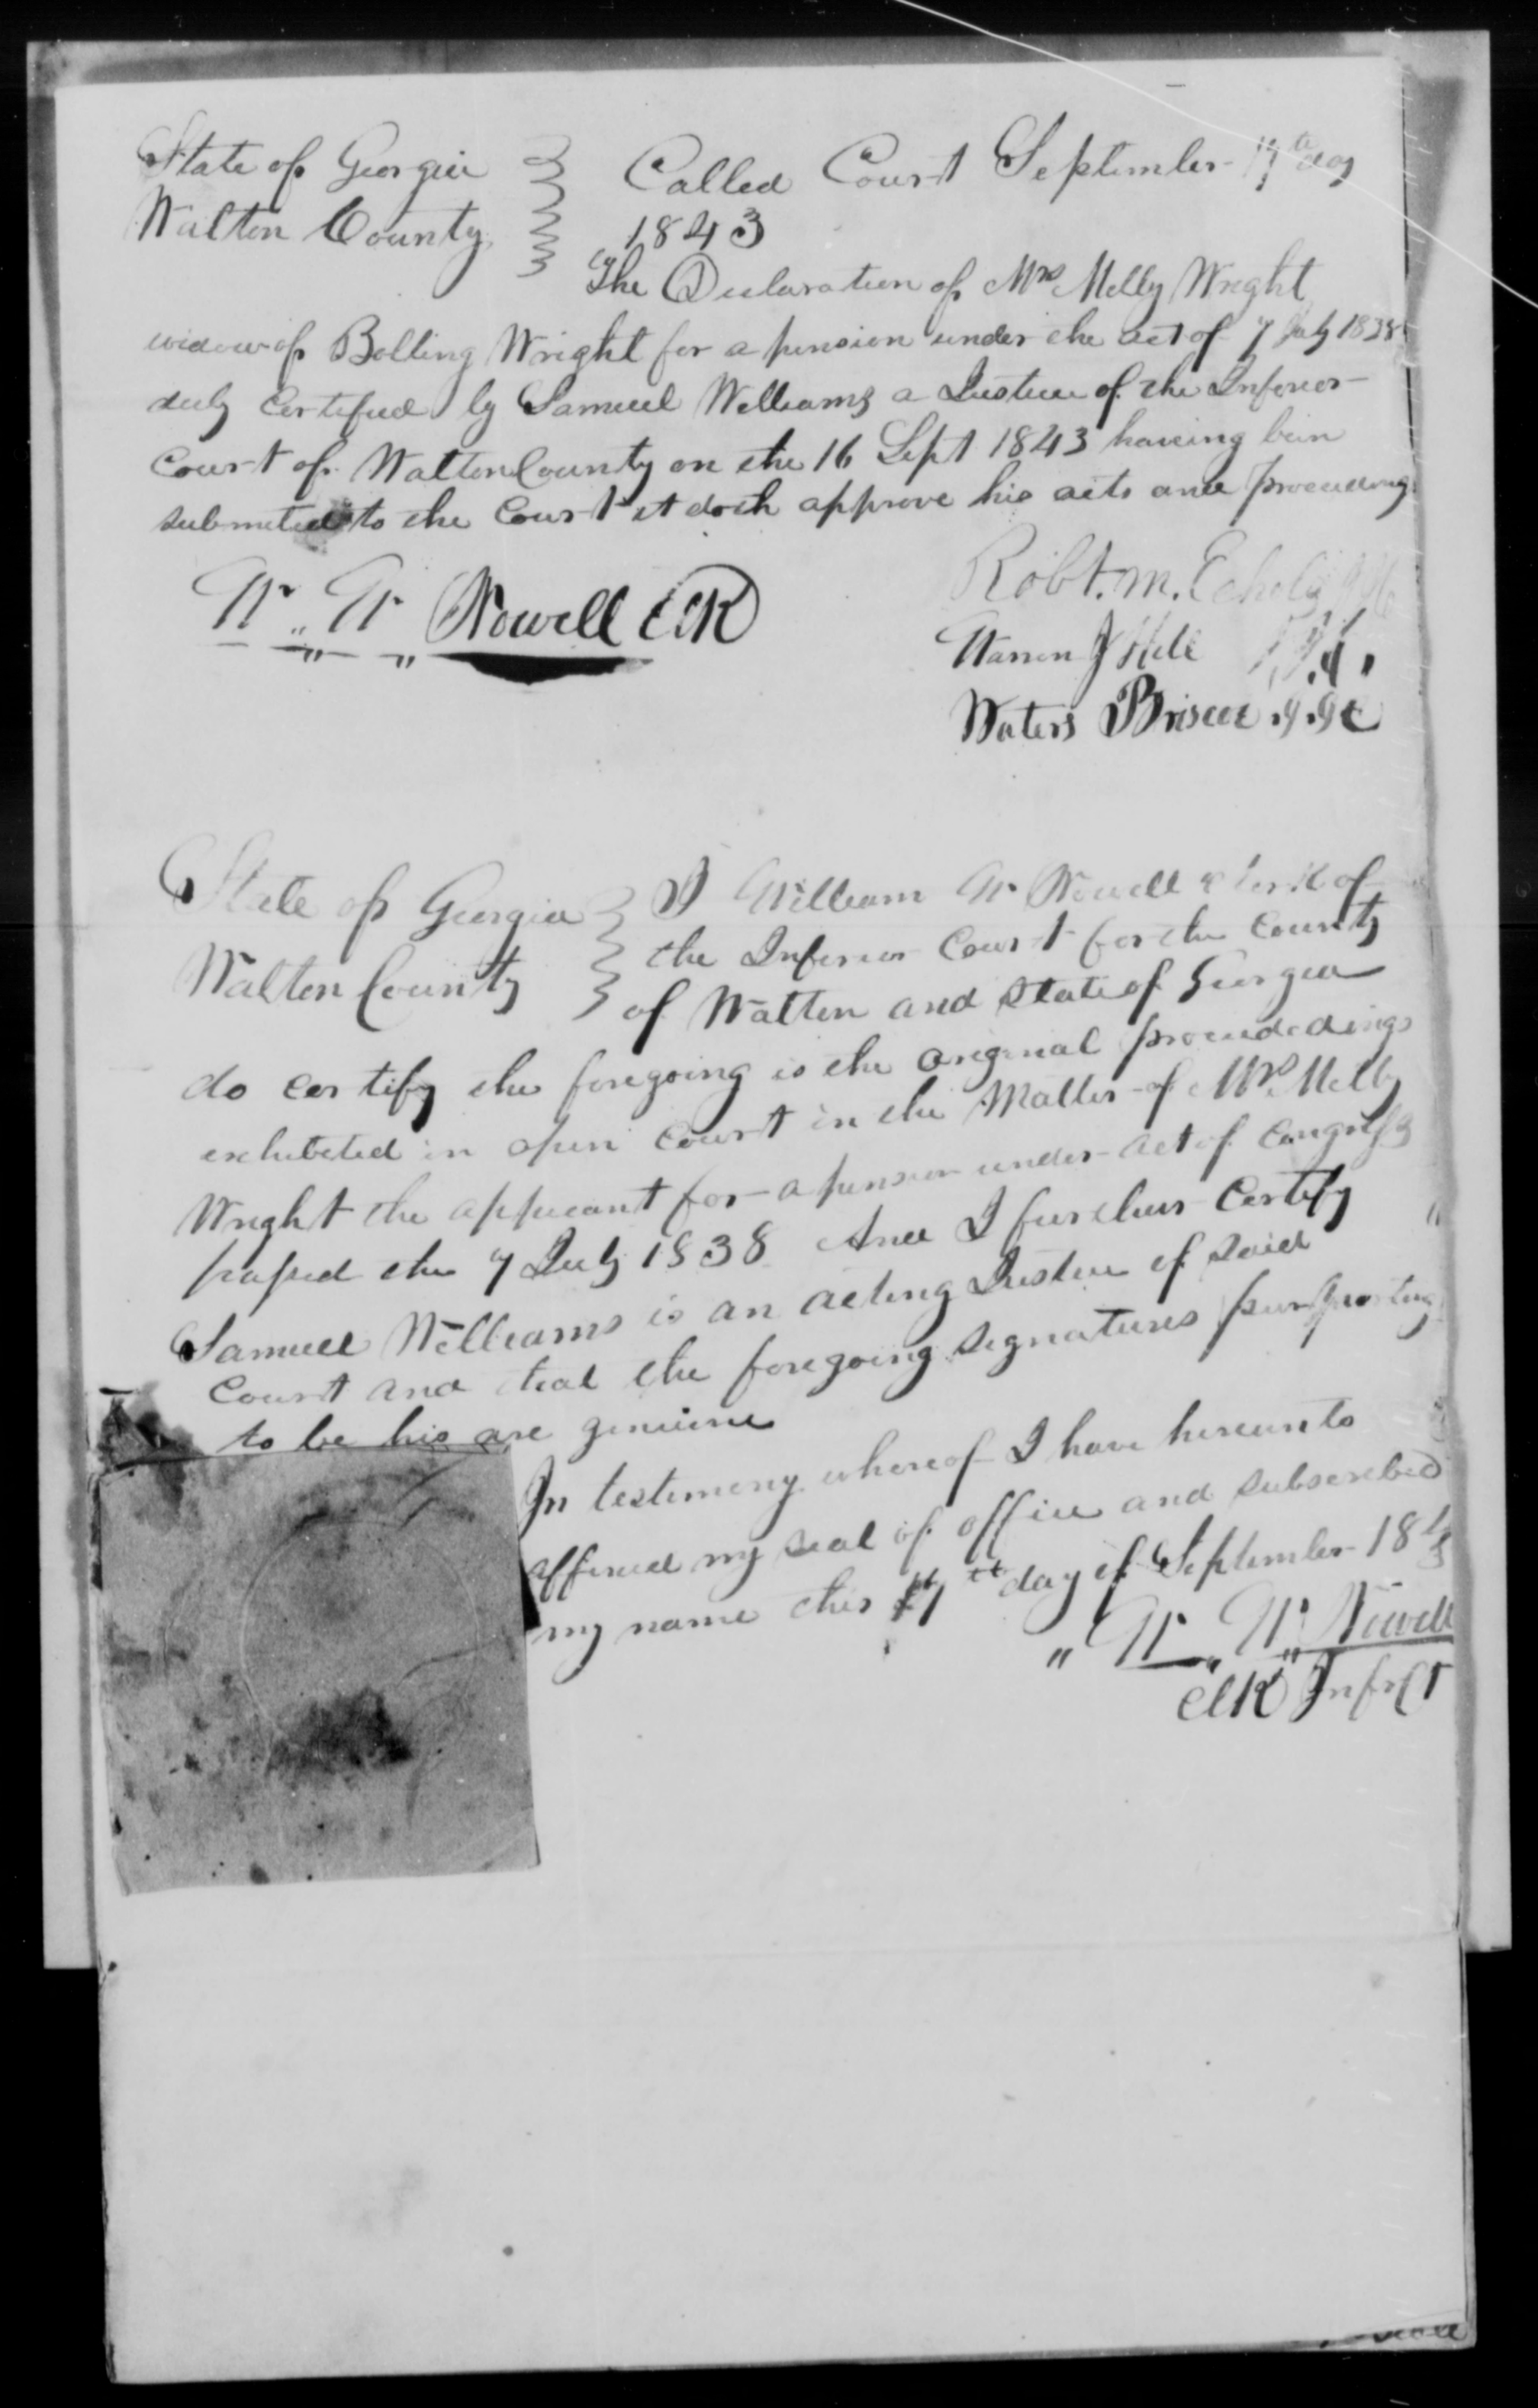State of Georgia Walton County }
Called court September 17th day 1843
The Declaration of Mrs. Milly Wright widow of Bolling Wright for a pension under the act of 7 July 1838 duly certified by Samuel Williams a Justice of the Inferior Court of Walton County on the 16 Sept 1843 having been submitted to the Court it doth approve his acts and proceedings
Wm W Nowell clk
Robt. M. Echols [illegible]
Warren J Hill [illegible]
Waters Briscoe [illegible]

State of Georgia Walton County } I William W Nowell clerk of the Inferior Court for the County of Walton and state of Georgia do certify the foregoing is the original proceedings exhibited in open court in the Matter of Mrs. Milly Wright the applicant for a pension under act of congress passed the 7 July 1838 And I further Certify Samuel Williams is an acting Justice of said Court and that the foregoing signatures purporting to be his are genuine
In testimony whereof I have hereunto affixed my seal of office and subscribed my name this 17th day of September 1843
W W Nowell Clk Infr Ct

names: Waters Briscoe, Warren J Hill, William W Nowell, Robt M Echols, Samuel Williams, Bolling Wright, Milly Wright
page: 25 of 81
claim: widow's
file: W. 5183, Bolling Wright, Va.